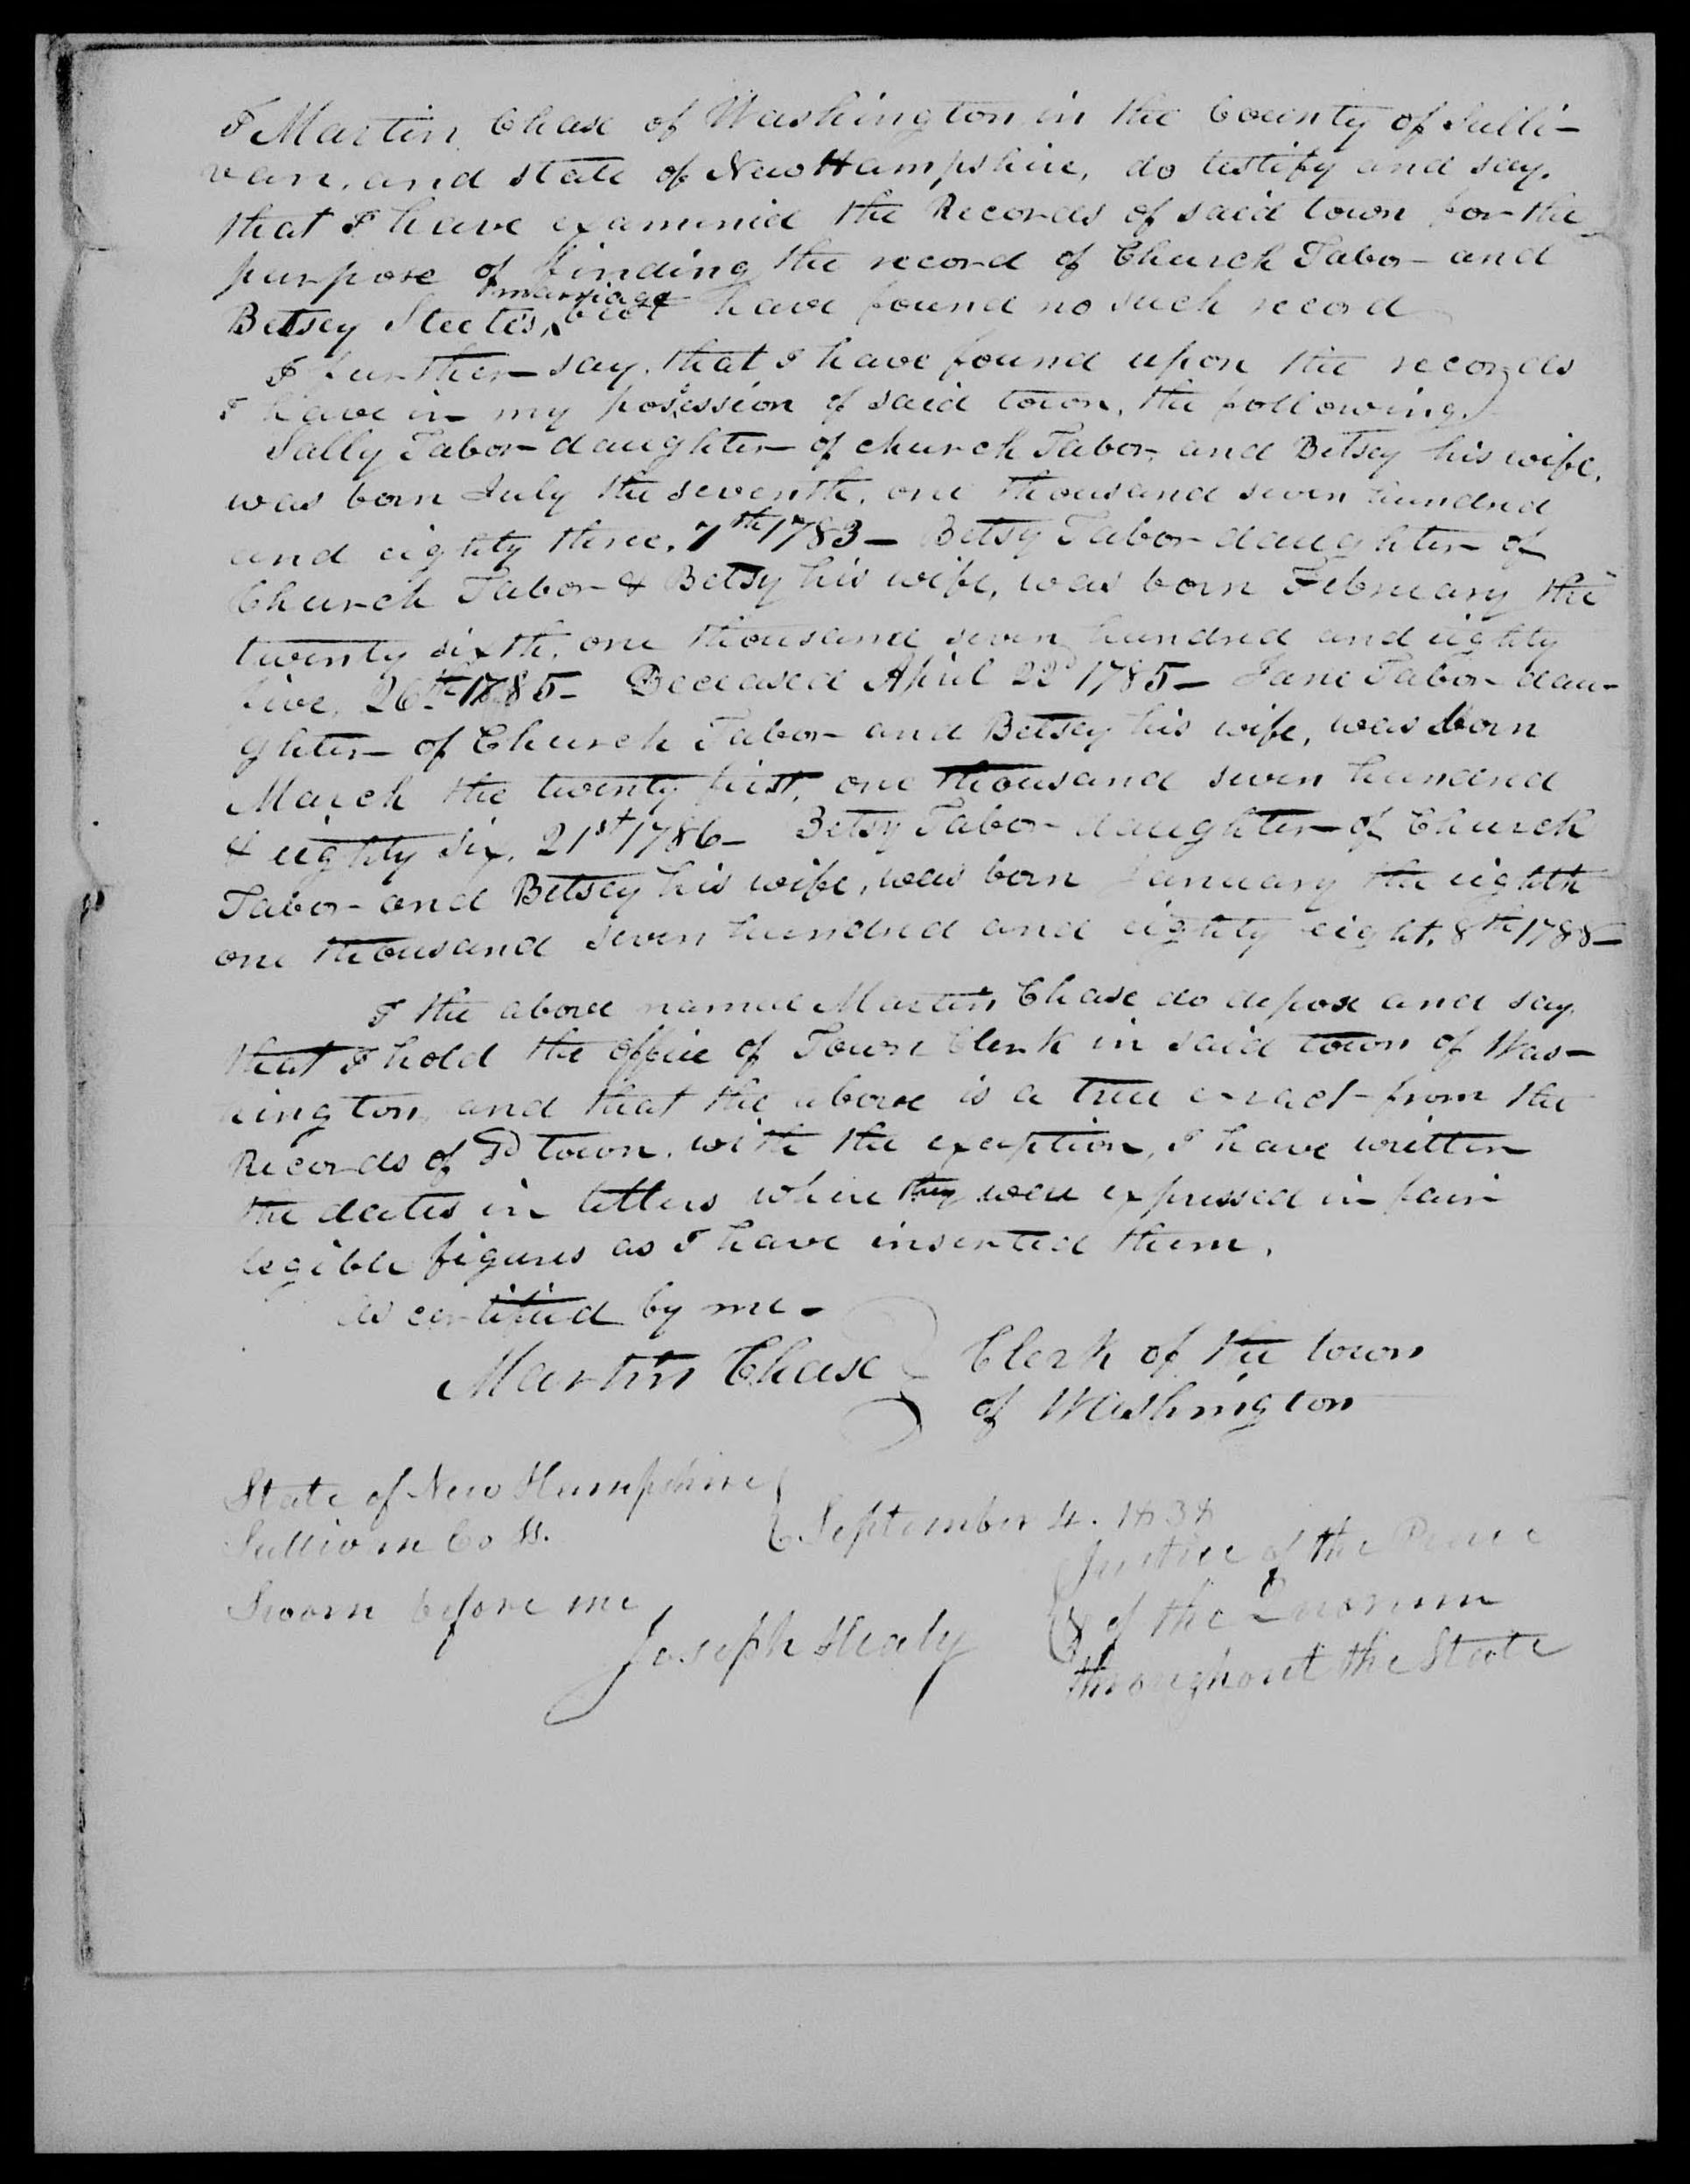I Martin Chase of Washington in the county of Sullivan and State of New Hampshire do testify and say that I have examined the Record of said town for the purpose of finding the record of Church Tabor and Betsey Steele's marriage but have found no such record.
I further say that I have found upon the records & have in my possession of said town, the following,
Sally Tabor-daughter of Church Tabor and Betsey his wife was born July the seventh one thousand seven hundred and eighty three. 7th 1783. Betsy Tabor daughter of Church Tabor & Betsy his wife was born February the twenty sixth one thousand seven hundred and eighty five 26th 1875-Deceased April 22d. 1785-Jane Tabor daughter of Church Tabor and Betsey his wife was born March the twenty first one thousand seven hundred & eight six, 21st 1786-Betsy Tabor daughter of church Tabor and Betsey his wife was born January the eighth one  thousand seven hundred and eighty eight 8th 1788
I the above named Martin Chase do depose and say that I hold the office of Town Clerk in said town of Washington and that the above is a true extract from the records of sd. town, with the exception I have written the dates in the letters where they were expressed in fair legible figures as I have inserted them.
As certified by me.
Martin Chase Clerk of the town of Washington

State of New Hampshire 
Sullivan Co. ss September 4, 1838
Sworn before me
Joseph Healy, Justice of the Peace & of the Quorum throughout the State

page: 4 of 41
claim: widow's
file: W 26507, for Church Tabor, Massachusetts